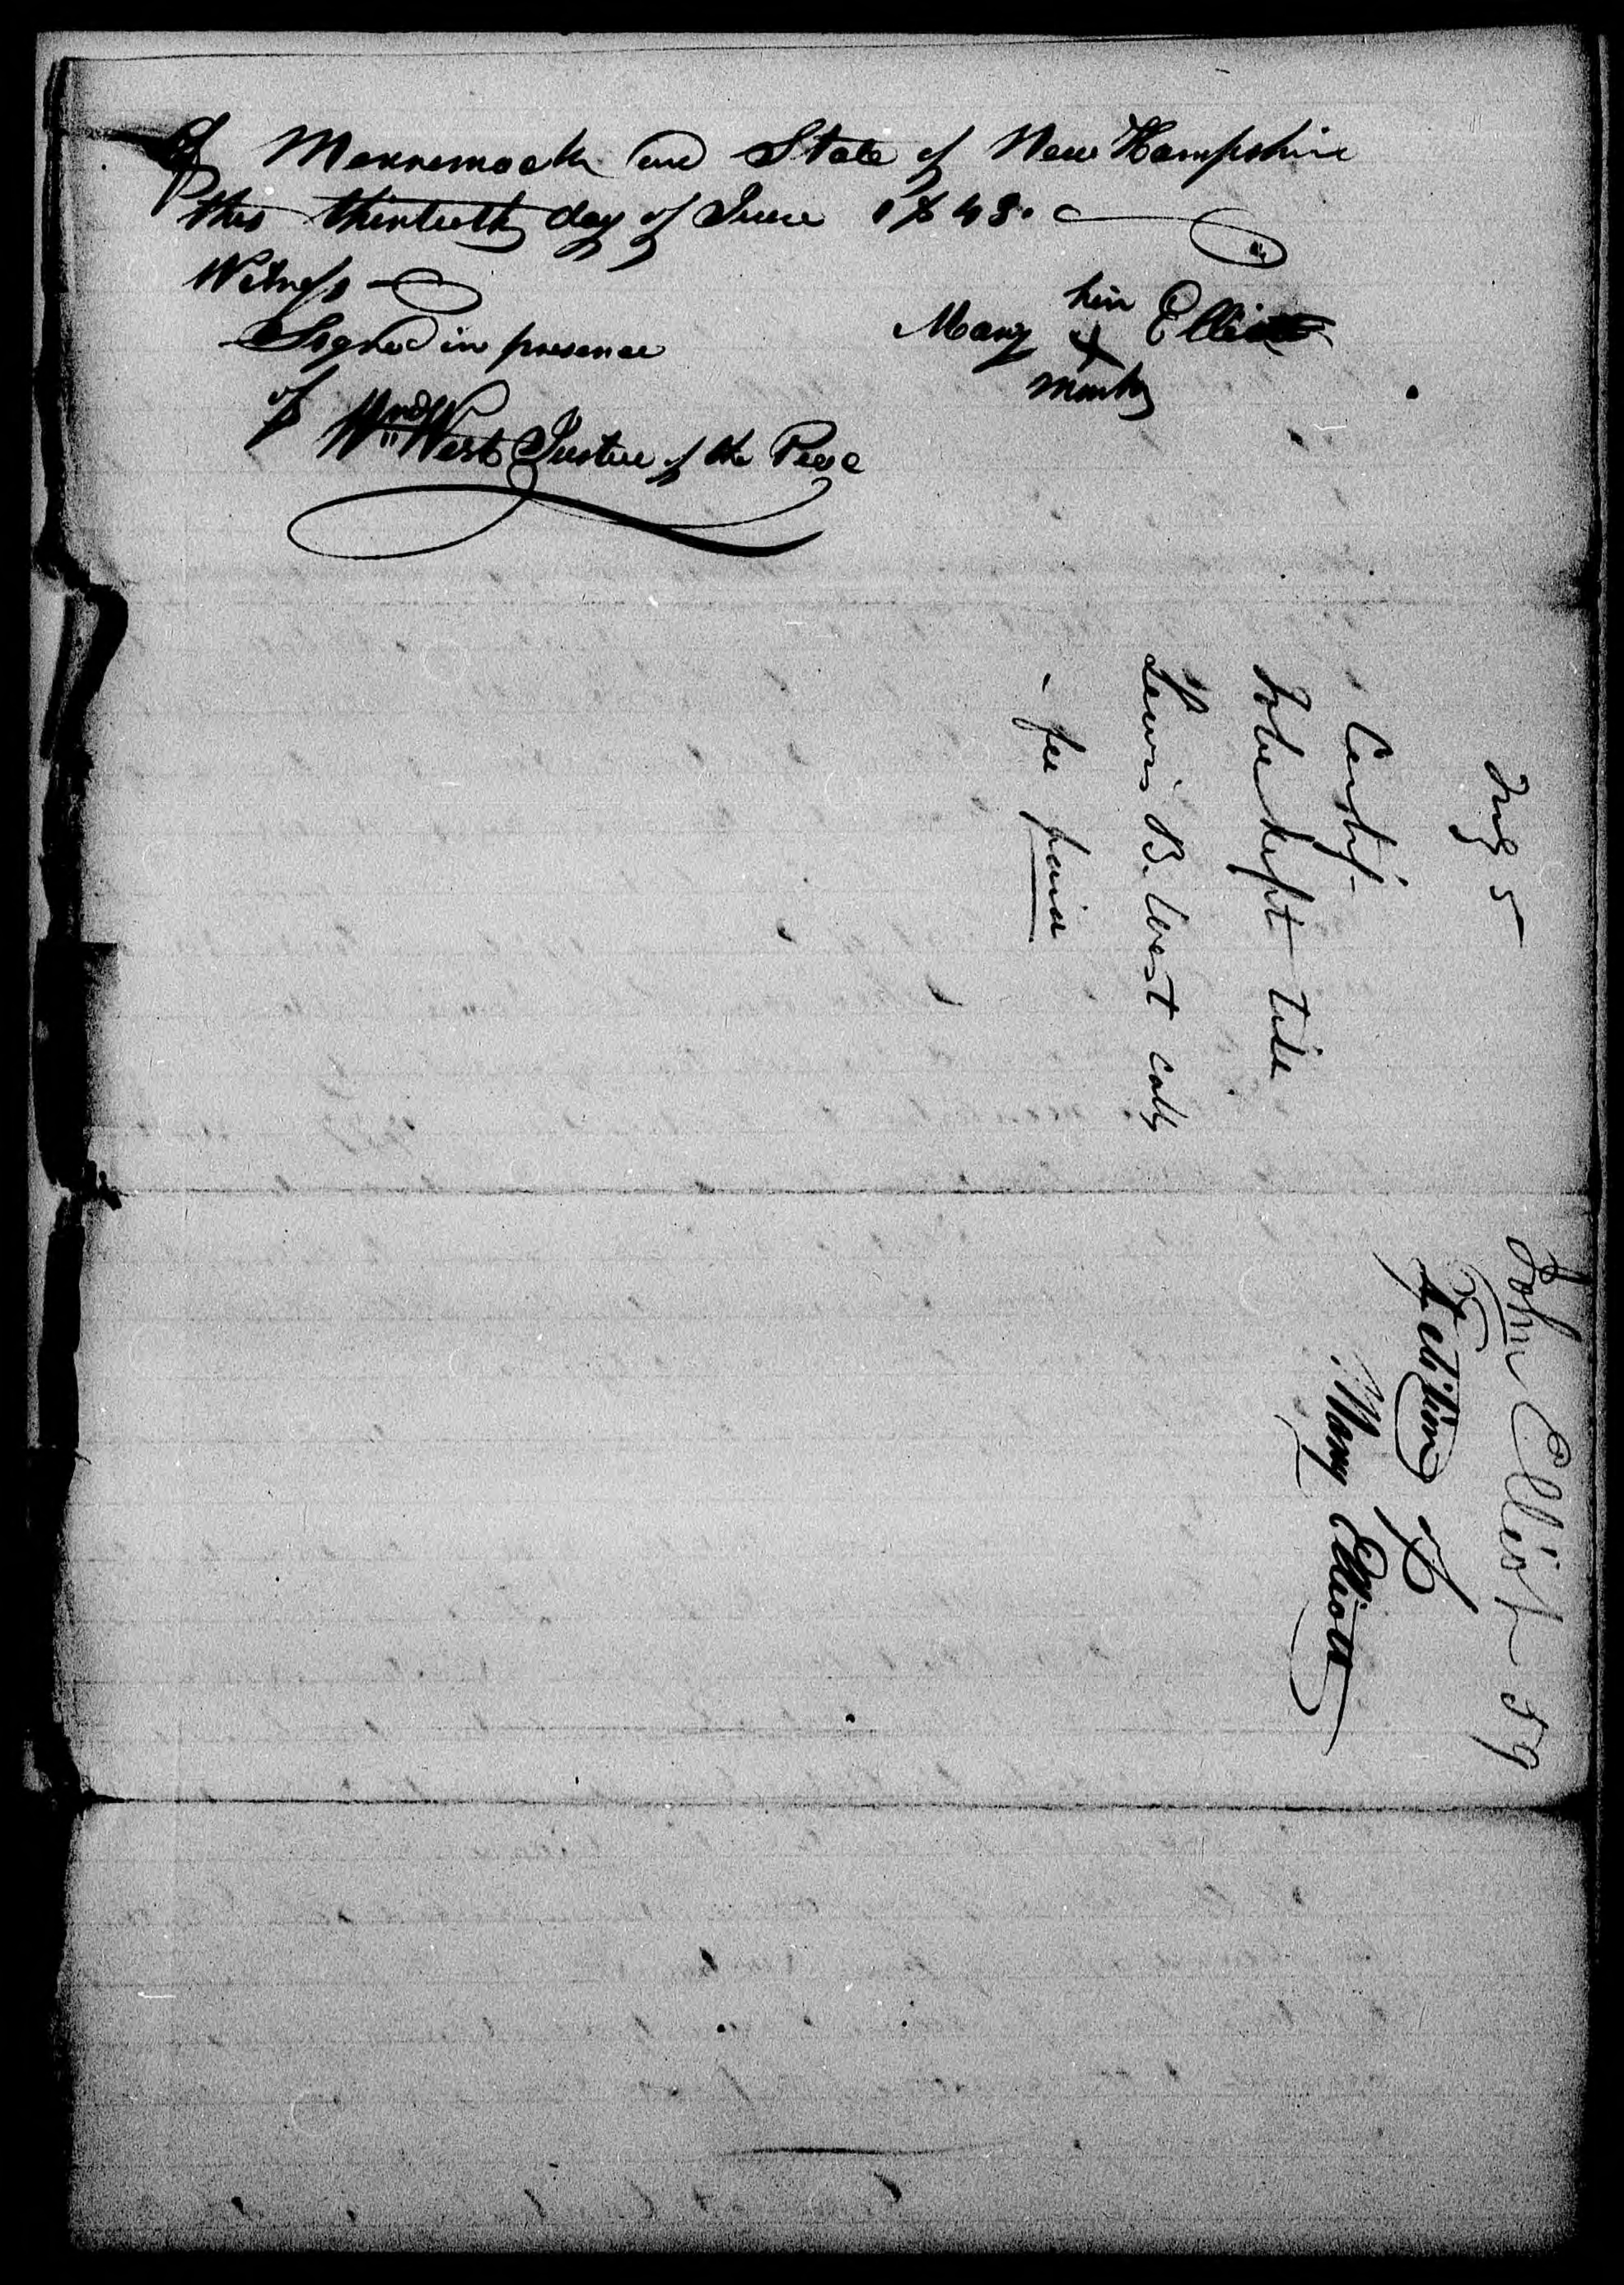Merrimack and State of New Hampshire
this thirtieth day of June 1848
Witness
Signed in presence
Wm West Justice the Peace

her
Mary Elliot
mark
Aug 5
Certify
[illegible]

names: Mary Elliott, Lewis B West, Mary Elliott, John Elliot, Wm West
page: 56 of 57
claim: widow's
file: W. 16,114, John Elliot, Continental (Mass) N.H.